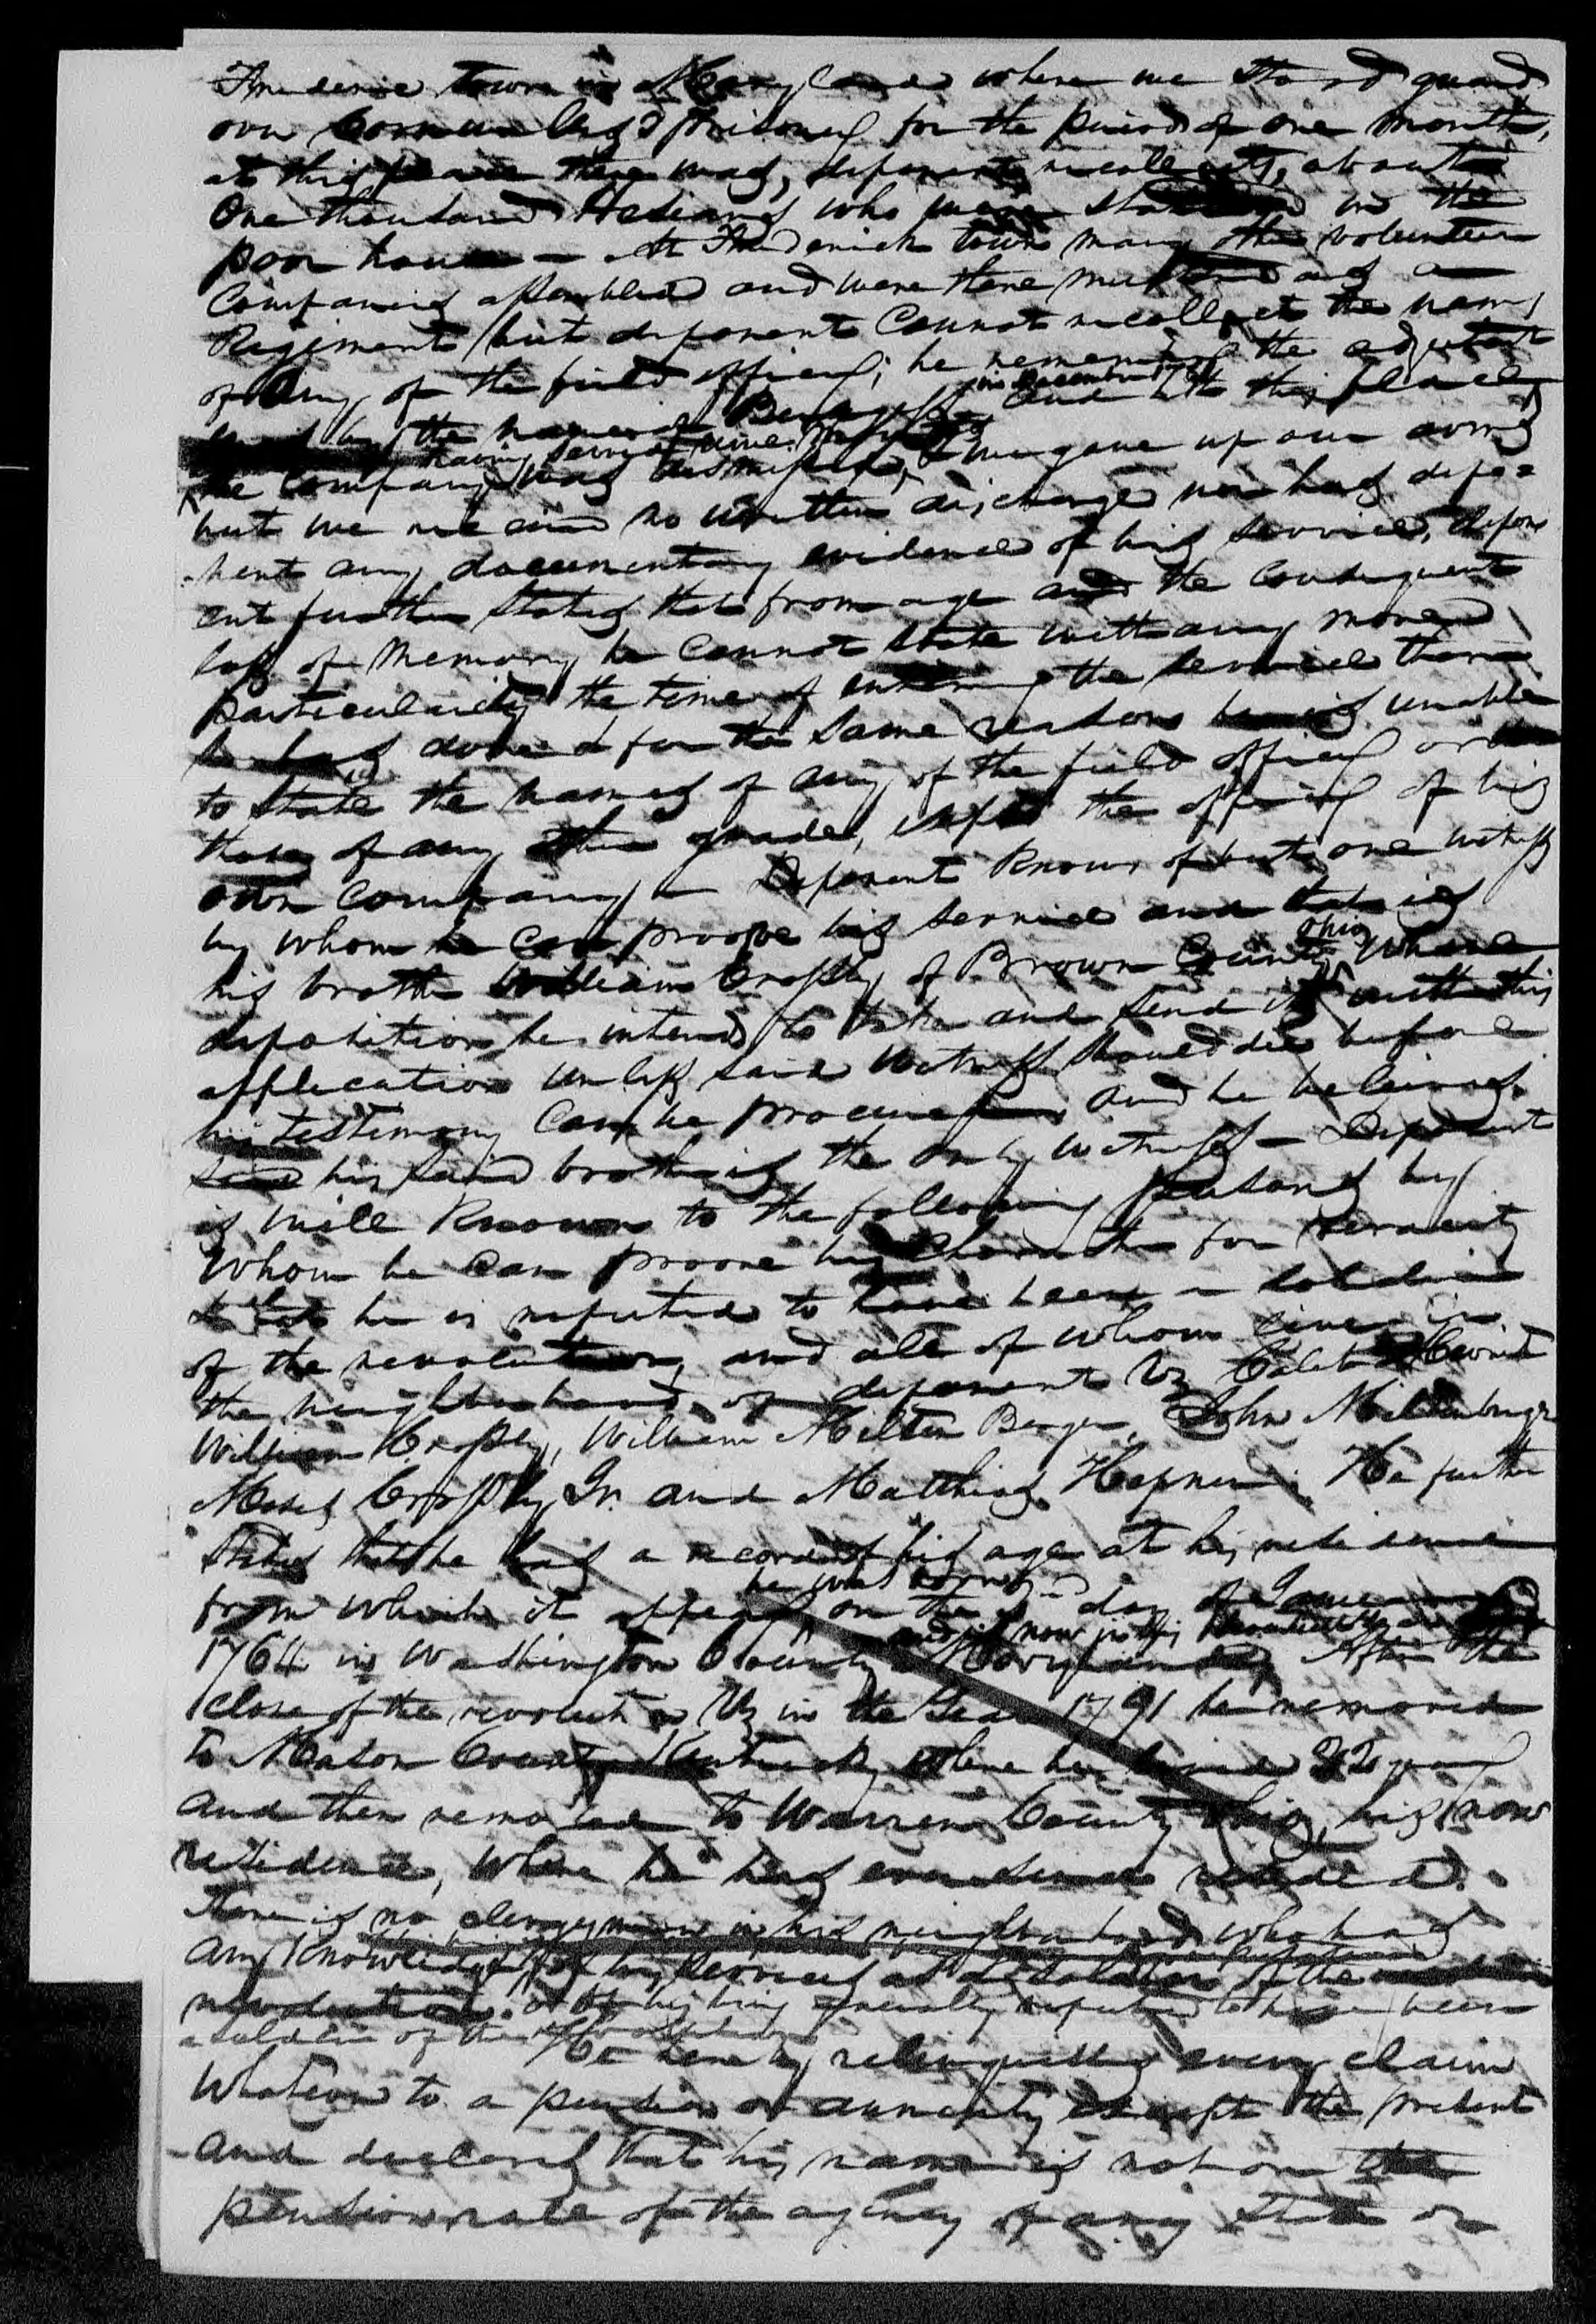Frederick town in Maryland where we stood guard over Cornwallis prisoners for the period of one month, at this [illegible] there was, deponent recollects, about one thousand Hessians who were sheltered in the poor house . At Frederick town Mary, the volunteer company marched and were there [illegible] a Regiment but deponent cannot recollect the name of any of the field officers; he remembers the [illegible] and [illegible] this place the company having served [illegible] but we [illegible] no written discharge nor has deponent any documentary evidence of his services, deponent further states that from age and the consequent loss of memory he cannot state with any more particularity the time of entering the service than [illegible] & for the same reason being unable to state the names of any of the field officers or those of any other grade, except the officers of his own company. Deponent knows of but one witness by  whom he can prove his service and that is his brother William Crossly of Brown County Ohio whose deposition he intends to take and send it with this application unless said witness should die before his testimony can be procured and he [illegible] said his said brother is the only witness. Deponent is [illegible] to the following persons by whom he can prove his claim [illegible] he is reputed to have been a soldier of the revolution, and all of whom [illegible] the neighborhood of deponent viz Caleb [illegible] William Crossly, William Milton Berger, John Miltenberger, Moses Crossly Jr. and Matthias Hopner. He further states that he had a record of his age at his residence from which it appears he was born on the [illegible] day of January 1764 in Washington County Maryland. After the close of the revolution in the year 1791 he removed to [illegible] County Kentucky, where he resided [illegible] and then removed to Warren County Ohio, his home residence, where he has ever since resided. There is no clergyman in his neighborhood who has any knowledge of his services as a soldier of the revolution or of his being formally reputed to have been a soldier of this revolution. He hereby relinquishes every claim whatever to a pension or annuity except the present and declares that his name is not on the pension roll of the agency of any state or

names: Matthias Hopner, William Crossly, William Crossly, John Miltenberger, William Milton Berges, Moses Crossly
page: 4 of 37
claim: rejected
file: R. 2516, Moses Crosley, Md.